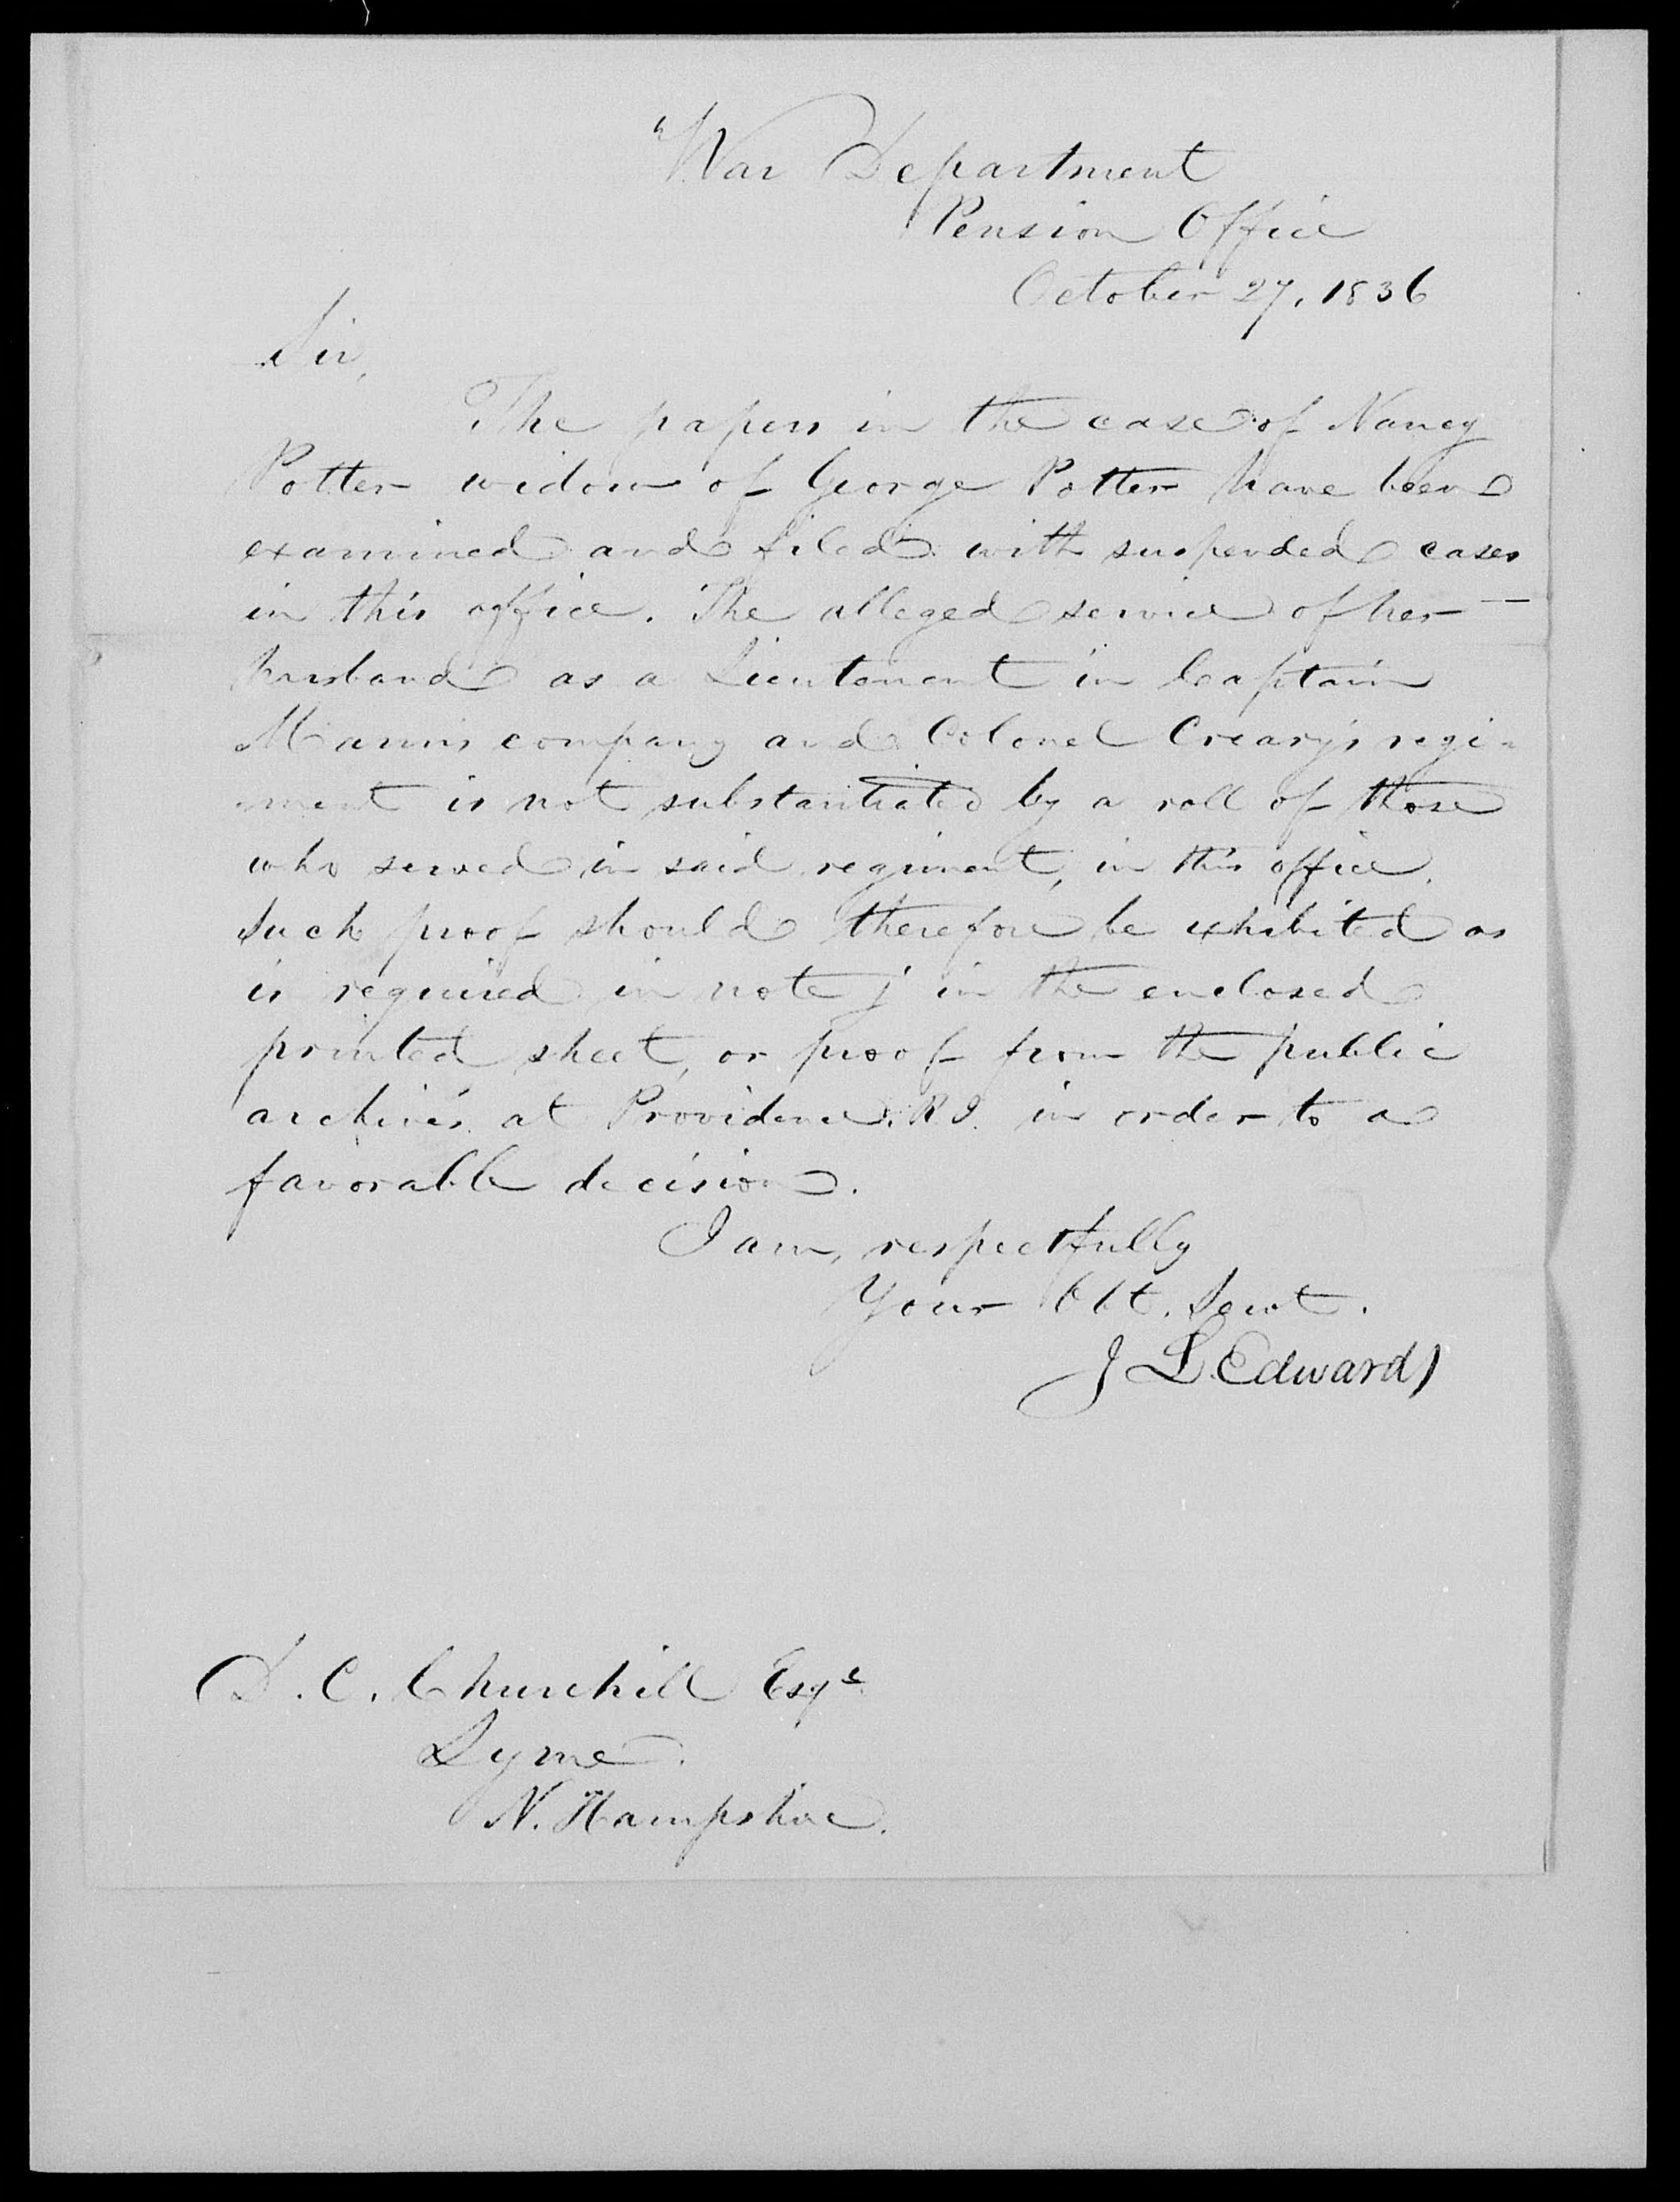War Department
Pension Office
October 27, 1836

Sir,

The papers in the case of Nancy Potter widow of George Potter have been examined and filed with suspended cases in this office.   The alleged service of her husband as a Lieutenant in Captain Mann's company and Colony Creary's regiment is not substantiated by a roll of those who served in said regiment, in this office.  Such proof should therefore be exhibited as is required in note in the enclosed printed sheet or proof from the public archives at Providence, R. I. in order to a favorable decision.

I am respectfully
Your Obedient, Servant,
J.. L. Edwards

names: Nancy Potter; George Potter; J L Edwards; D C Churchill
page: 35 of 40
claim: widow's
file: W. 16058, for George Potter, Rhode Island